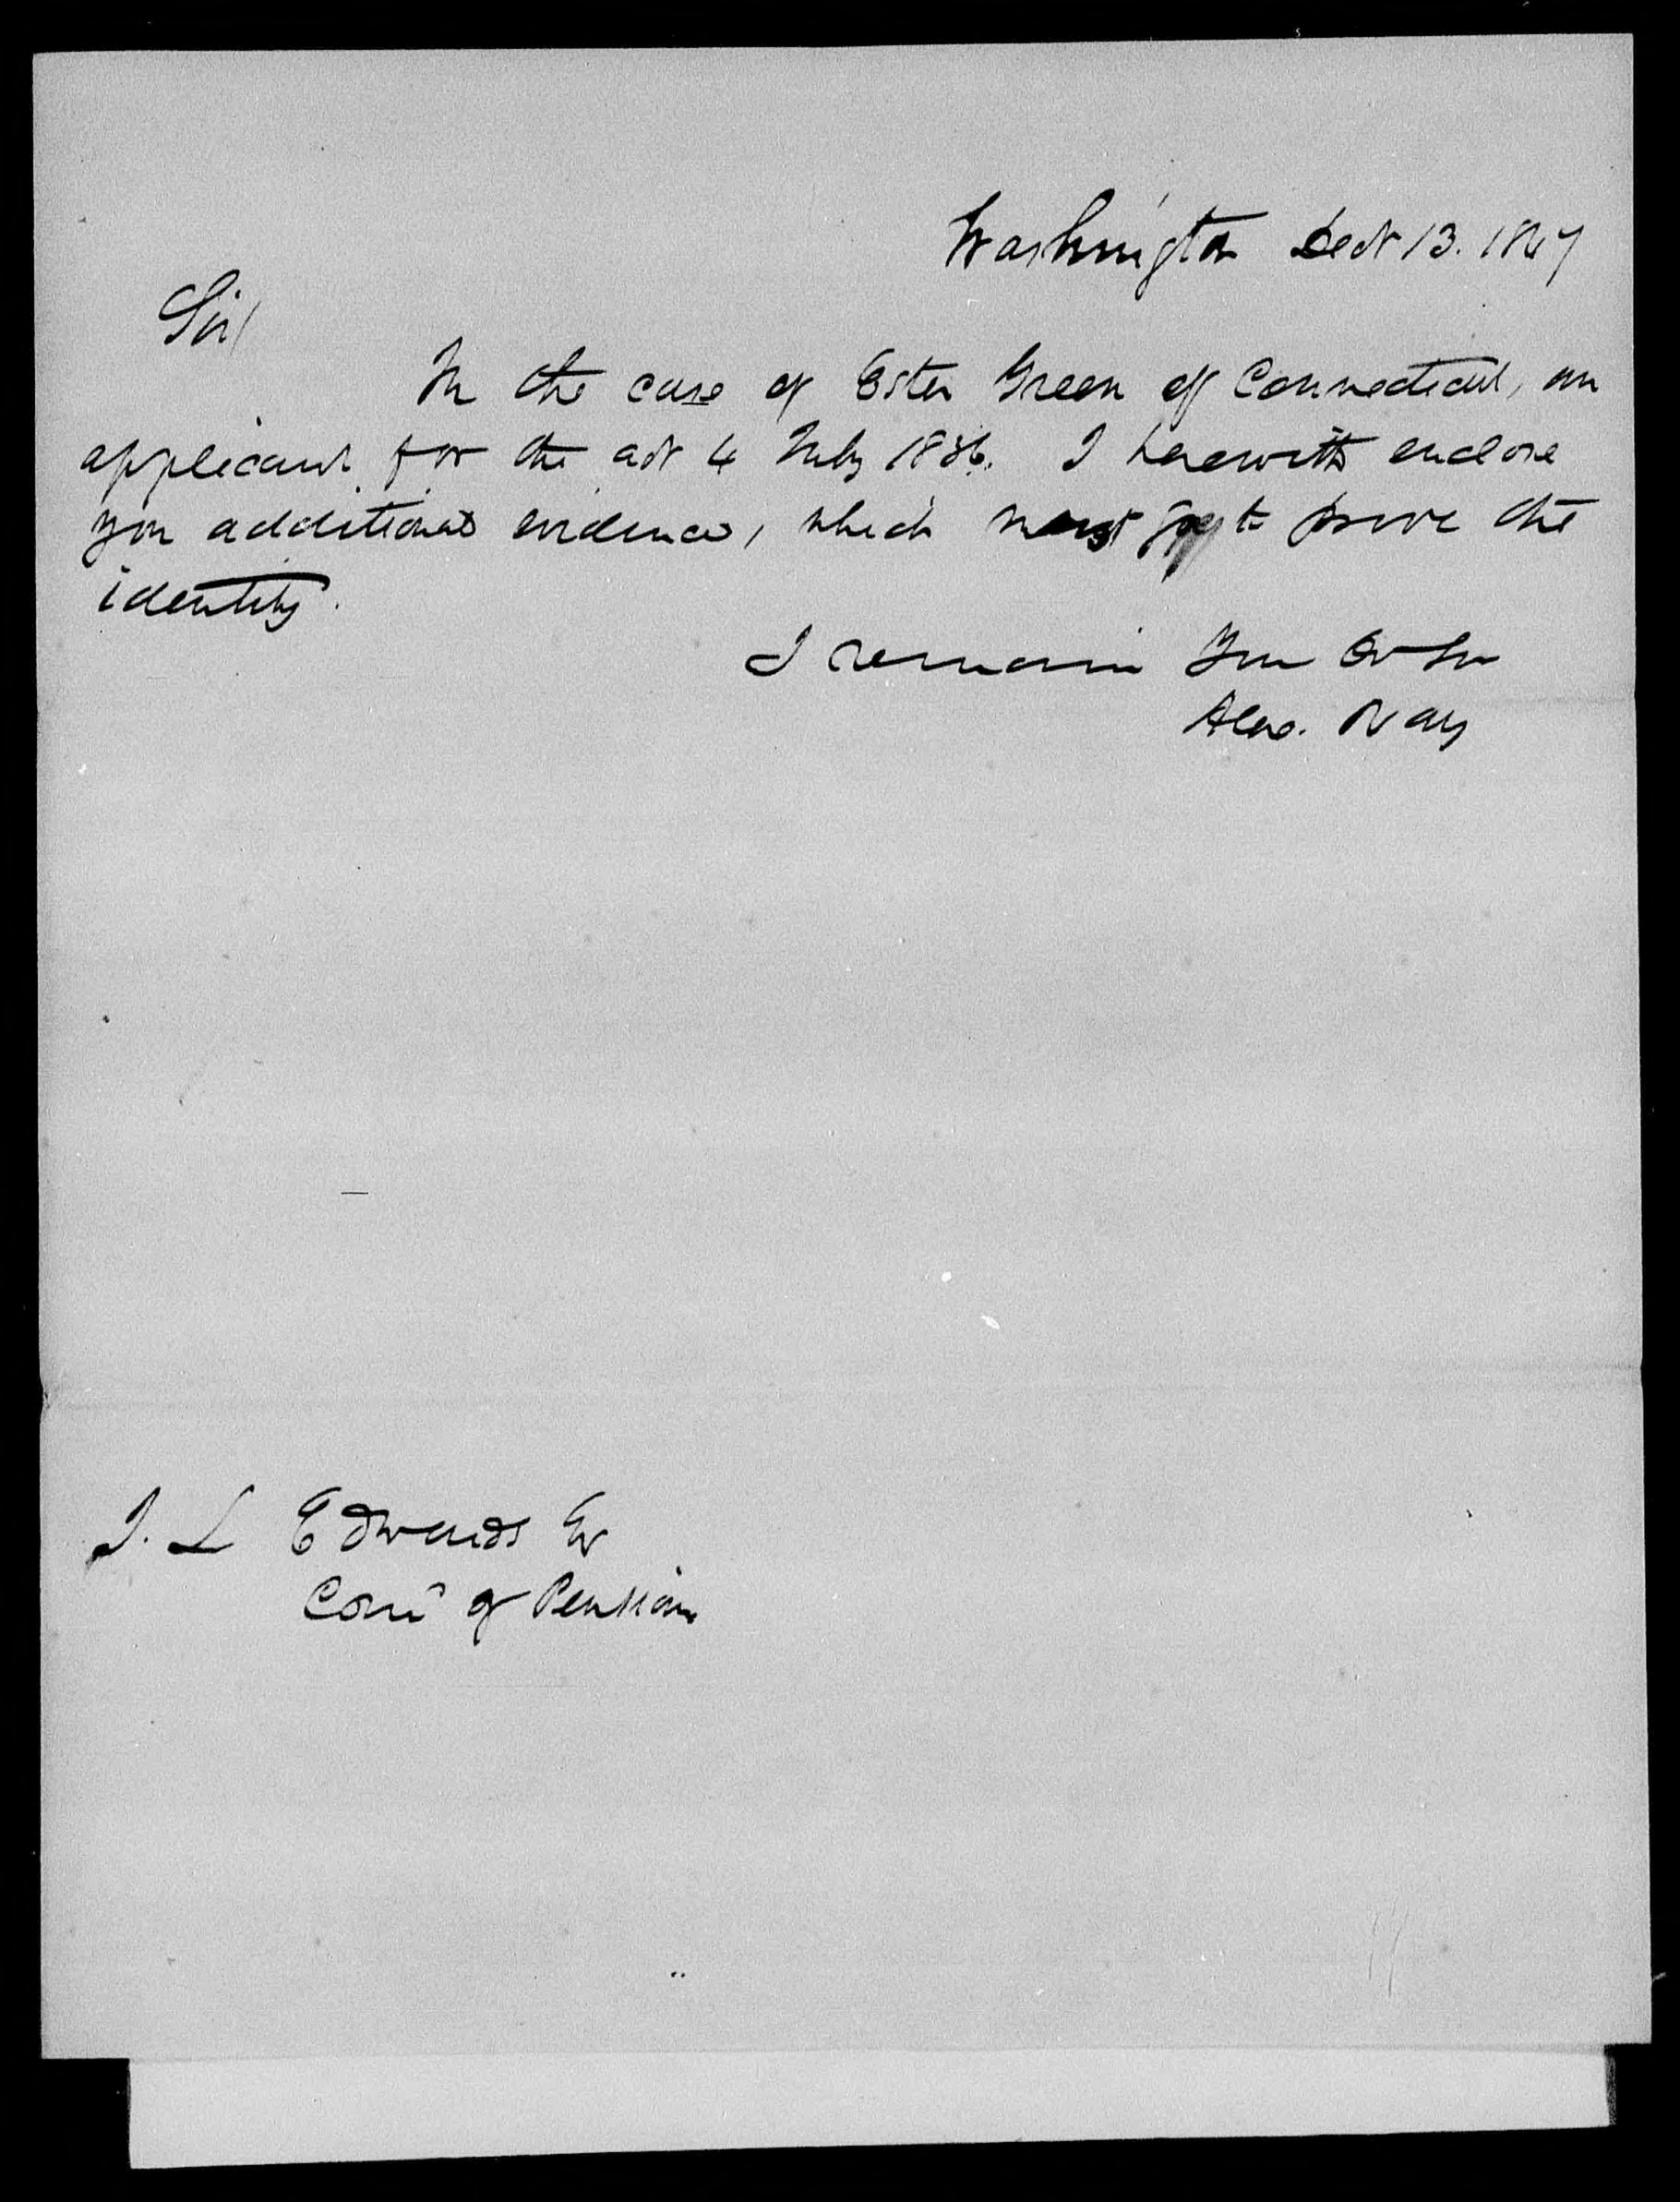Washington Dec 13. 1847
Sir: In the case of Ester Green of Connecticut, an applicant for the Act 4 July 1836. I herewith enclose you additional evidence, which must go to prove the identity. 
I remain .... ....
             A... ....

J. L. Edwards Esq
Com[missioner] of Pensions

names: J L Edwards, Alex Ray, Ester Green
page: 39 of 40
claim: rejected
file: R. 4251, John Green, Conn.